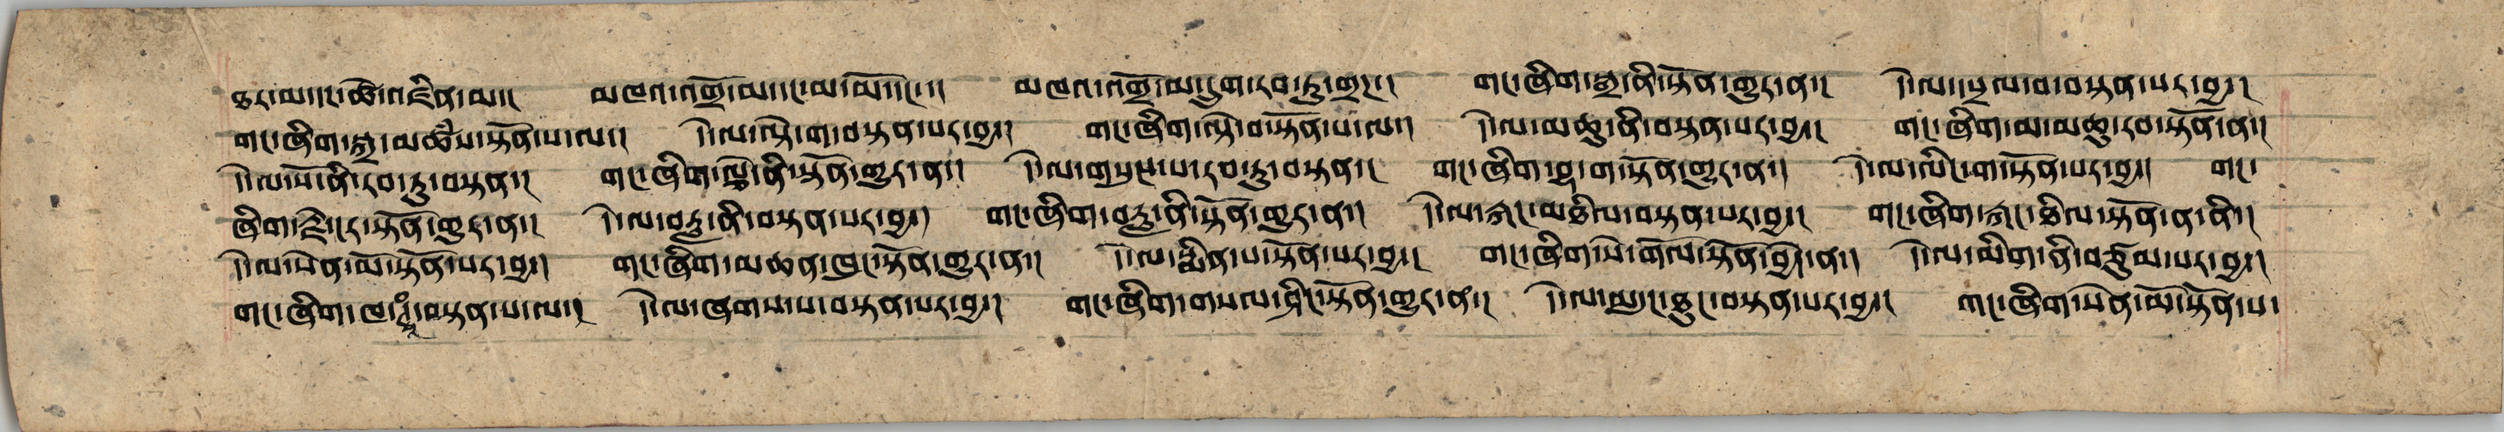ཐར་མ་དང་ཚེ་འཛིན་མ་། མཁའ་འགྲོ་མ་དང་མ་མོ་དང་་། མཁའ་འགྲོ་མ་དྲུག་རབ་ཏུ་གྲཌ་། གང་ཞིག་སྒྲ་ནི་སྟོན་གྱུར་ན་། དེ་ལ་དཔྲལ་བ་བསྟན་པར་བྱ་།
གང་ཞིག་སྐྲ་མཚཾས་སྟོན་པ་ལ་། དེ་ལ་ལྟེ་ག་བསྟན་པར་བྱ་། གང་ཞིག་ལྟེ་བ་སྟོན་པ་ལ་། དེ་ལ་མཆུ་ནི་བསྟན་པར་བྱ་། གང་ཞིག་མ་མཆུ་རབ་སྟོན་ན་།
དེ་ལ་སོ་ནི་རབ་ཏུ་བསྟན་། གང་ཞིག་ལྕེ་ནི་སྟོན་གྱུར་ན་། དེ་ལ་གསུངས་པ་རབ་ཏུ་བསྟན་། གང་ཞིག་བྷ་ག་སྟོན་གྱུར་ན་། དེ་ལ་ལིང་ག་སྟོན་པར་བྱ་། གང་
ཞིག་རྗེ་ངར་སྟོན་གྱུར་ན་། དེ་ལ་བརླ་ནི་བསྟན་པར་བྱ་། གང་ཞིག་བརླ་ནི་སྟོན་གྱུར་ན་། དེ་ལ་རྐང་མཐིལ་བསྟན་པར་བྱ་། གང་ཞིག་རྐང་ཐིལ་སྟོན་ན་ནི་།
དེ་ལ་སེན་མོ་སྟོན་པར་བྱ་། གང་ཞིག་མཆན་ཁུང་སྟོན་གྱུར་ན་། དེ་ལ་སྨིན་པ་སྟོན་པར་བྱ་། གང་ཞིག་སེ་གོལ་སྟོན་བྱེད་ན་། དེ་ལ་མིག་ནི་བཙུམ་པར་བྱ་།
གང་ཞིག་ཁ་ཊྭཱཾ་བསྟན་པ་ལ་། དེ་ལ་ཞགས་པ་བསྟན་པར་བྱ་། གང་ཞིག་གསལ་ཤིང་སྟོན་གྱུར་ན་། དེ་ལ་མདུང་ཐུང་བསྟན་པར་བྱ་། གང་ཞིག་སེན་མོ་སྟོན་པ་